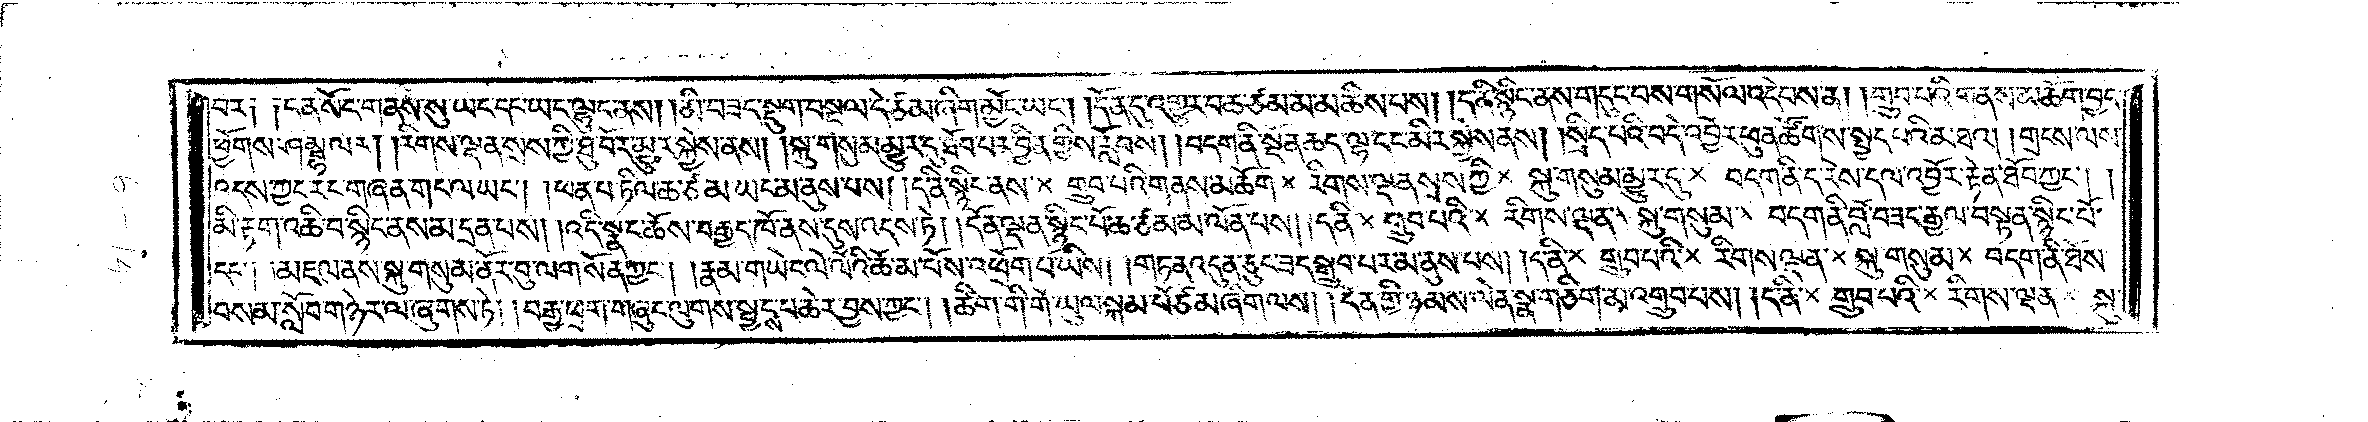པར༑ ༑ངན་སོང་གནས་སུ་ཡང་དང་ཡང་ལྷུང་ནས། །མི་བཟང་སྡུག་བསྔལ་དེ་ཙམ་ཞིག་མྱོང་ཡང་། །དོན་དུ་འགྱུར་བ་ཆ་ཙམ་མ་མཆིས་པས། །ད་ནི་སྙིང་ནས་གདུང་བས་གསོལ་འདེབས་ན། །གྲུབ་པའི་གནས་མཆོག་བྱང་
ཕྱོགས་ཤམྦྷ་ལར། །རིགས་ལྡན་སྲས་ཀྱི་ཐུ་བོར་མྱུར་སྐྱེས་ནས། །སྐུ་གསུམ་མྱུར་དུ་ཐོབ་པར་བྱིན་གྱིས་རློབས། །བདག་ནི་སྔོན་ཆད་ལྷ་དང་མིར་སྐྱེས་ནས། །སྲིད་པའི་བདེ་འབྱོར་ཕུན་ཚོགས་སྤྱད་པའི་མཐའ། །གྲངས་ལས་
འདས་ཀྱང་རང་གཞན་གང་ལ་ཡང་། །ཕན་པ་ཏིལ་ཆ་ཙམ་ཡང་མ་ནུས་པས། །ད་ནི་སྙིང་ནས་྾་གྲུབ་པའི་གནས་མཆོག་྾་རིགས་ལྡན་སྲས་ཀྱི་྾་སྐུ་གསུམ་མྱུར་དུ་྾་བདག་ནི་ད་རེས་དལ་འབྱོར་རྟེན་ཐོབ་ཀྱང་། །
མི་རྟག་འཆི་བ་སྙིང་ནས་མ་དྲན་པས། །འདི་སྣང་ཆོས་བརྒྱད་ཁོ་ནས་དུས་འདས་ཏེ། །དོན་ལྡན་སྙིང་པོ་ཆ་ཙམ་མ་ལོན་པས། །ད་ནི་྾་གྲུབ་པའི་྾་རིགས་ལྡན་྾་སྐུ་གསུམ་྾་བདག་ནི་བློ་བཟང་རྒྱལ་བསྟན་སྙིང་པོ་
དང༑ ༑མཇལ་ནས་སྐུ་གསུམ་ནོར་བུ་ལག་སོན་ཀྱང་། །རྣམ་གཡེང་ལེ་ལོའི་ཆོ་མ་པོས་འཕྲོག་པ་ཡིས། །གཏན་འདུན་ཅུང་ཟད་སྒྲུབ་པར་མ་ནུས་པས། །ད་ནི་྾་གྲུབ་པའི་྾་རིགས་ལྡན་྾་སྐུ་གསུམ་྾་བདག་ནི་ཐོས་
བསམ་སློབ་གཉེར་ལ་ཞུགས་ཏེ། །བརྒྱ་ཕྲག་གཞུང་ལུགས་སྦྱངས་པ་ཆེར་བྱས་ཀྱང་། །ཚིག་གི་གོ་ཡུལ་སྐམ་པོ་ཙམ་ཞིག་ལས། །དོན་གྱི་ཉམས་ལེན་སྣ་གཅིག་མ་འགྲུབ་པས། །ད་ནི་྾་གྲུབ་པའི་྾་རིགས་ལྡན་྾་སྐུ་